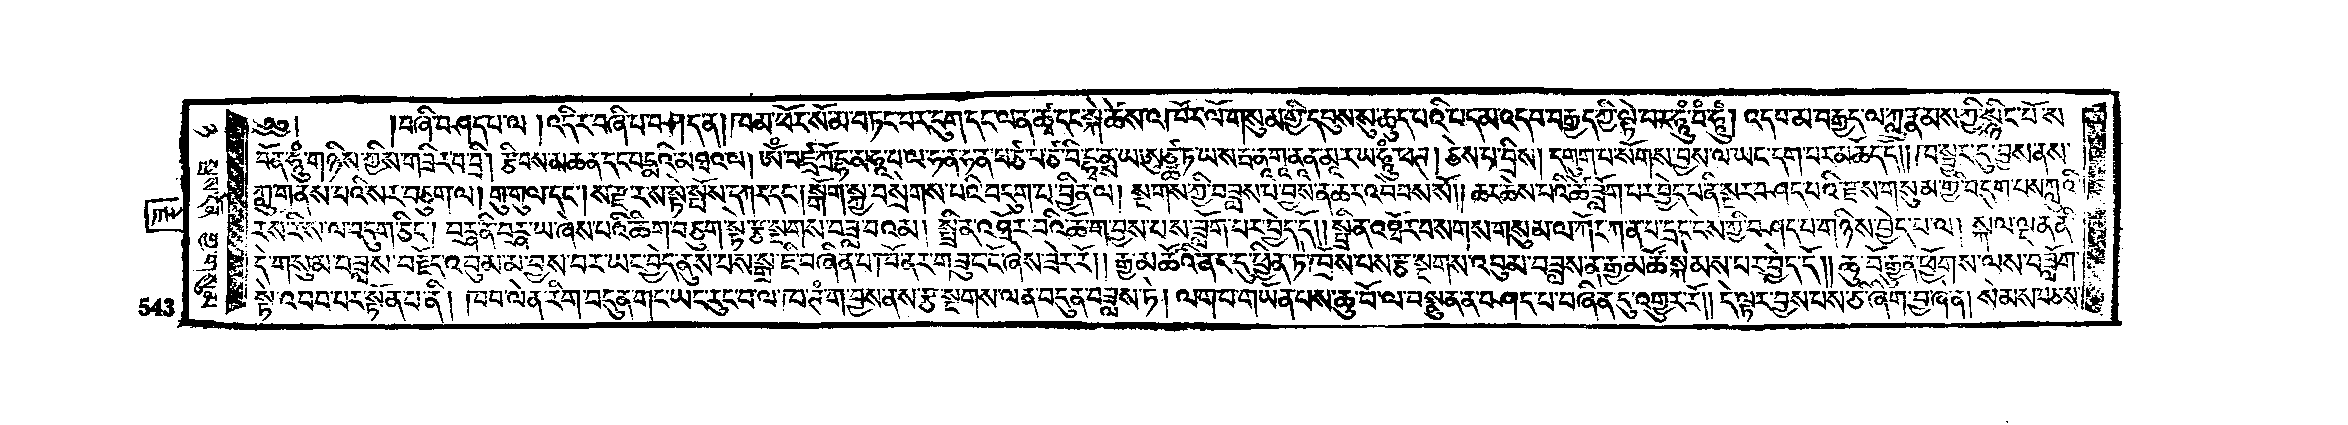༄༅། །བཞི་བཤད་པ་ལ། འདིར་བཞི་པ་བཤད་ན། ཁམ་ཕོར་སོ་མ་བཏང་བར་དུག་དང་ལན་ཚྭ་དང་སྐེ་ཆེས་འཁོར་ལོ་གསུམ་གྱི་དབུས་སུ་ཆུད་པའི་པད་མ་འདབ་བརྒྱད་ཀྱི་ལྟེ་བར་ཧཱུཾ་བཾ་ཧཱུཾ། འདབ་མ་བརྒྱད་ལ་ཀླུ་རྣམས་ཀྱི་སྙིང་པོ་ས་
བོན་ཧཱུཾ་གཉིས་ཀྱིས་གཟིར་བ་བྲི། རྩིབས་མཚན་དང་པདམའི་མཐའ་ལ། ཨོཾ་བཛྲ་ཀྲོ་དྷ་མ་ཧཱ་པ་ལ་ཧ་ན་ཧ་ན་པ་ཙ་པ་ཙ་བི་དྷྭ་ནྶ་ཡ་ཨུཙྪ་ཏ་ཡ་སརྦ་ནཱ་གཱ་ནཱ་ན་མཱ་ར་ཡ་ཧཱུཾ་ཕཊ། ཅེས་པ་བྲིས། དགུག་པ་སོགས་བྱས་ལ་ཡང་དག་པར་མཆོད་དོ། །ཁ་སྦྱར་དུ་བྱས་ནས་
ཀླུ་གནས་པའི་སར་བཅུག་ལ། གུ་གུལ་དང་། ས་རྫ་ར་ས་སྟེ་སྤོས་དཀར་དང་། སྒོག་སྐྱ་བསྲེགས་པའི་བདུག་པ་བྱིན་ལ། སྔགས་ཀྱི་བཟླས་པ་བྱས་ན་ཆར་འབེབས་སོ། །ཆར་ཆེས་པའི་ཚེ་ཟློག་པར་བྱེད་པ་ནི་སྔར་བཤད་པའི་རྫས་གསུམ་གྱི་བདུག་པས་ཀླུའི་
རས་རིས་ལ་བདུག་ཅིང་། བརྴ་ནི་བརྴ་ཡ་ཞེས་པའི་ཚིག་བཅུག་སྟེ་རྩ་སྔགས་བཟླ་བའམ། སྤྲིན་འཐོར་བའི་ཆོ་ག་བྱས་པས་ཟློག་པར་བྱེད་དོ། །སྤྲིན་འཐོར་བ་སགས་གསུམ་ལ་ཀོར་ཀ་ན་པ་དྲང་ངེས་ཀྱི་བཤད་པ་གཉིས་བྱེད་པ་ལ། སྐལ་ལྡན་ནི་
དེ་གསུམ་བཟླས་བརྗོད་འབུམ་མ་བྱས་བར་ཡང་བྱེད་ནུས་པས་སྒྲ་ཇི་བཞིན་པ་ཁོ་ནར་གཟུང་ངོ་ཞེས་ཟེར་རོ། །རྒྱ་མཚོའི་ནང་དུ་ཕྱིན་ཏེ་ཁྲོས་པས་རྩ་སྔགས་འབུམ་བཟླས་ན་རྒྱ་མཚོ་སྐེམས་པར་བྱེད་དོ། །ཆུ་བོ་རྒྱུན་ཕྱོགས་ལས་བཟློག་
སྟེ་འབབ་པར་སྟོན་པ་ནི། ཁབ་ལེན་རིག་བདུན་གང་ཡང་རུང་བ་ལ་ཁ་ཊཾ་ག་བྱས་ནས་རྩ་སྔགས་ལན་བདུན་བཟླས་ཏེ། ལག་པ་གཡོན་པས་ཆུ་བོ་ལ་བསྣུན་ན་བཤད་པ་བཞིན་དུ་འགྱུར་རོ། །དེ་ལྟར་བྱས་པས་ཅི་ཞིག་བྱ་ཞེ་ན། སེམས་བཅས་